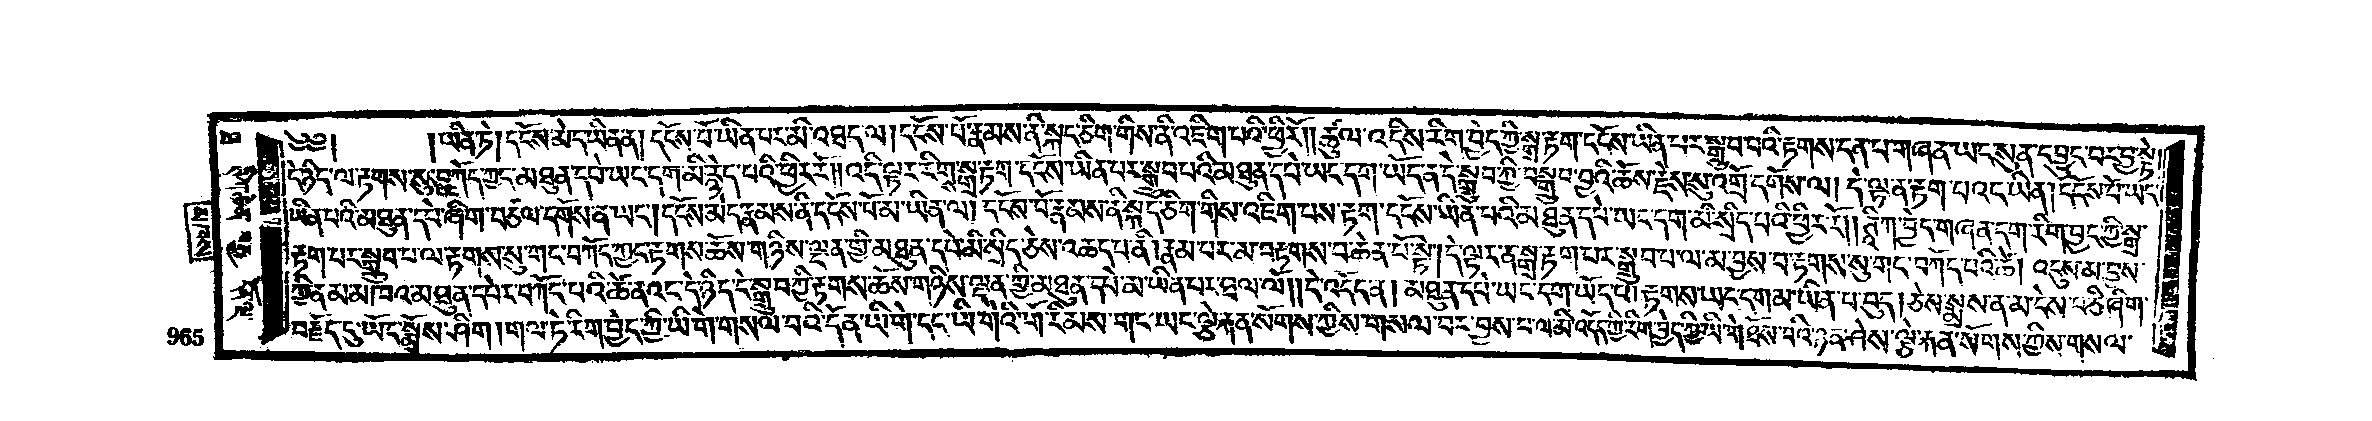༄༅། །ཡིན་ཏེ། དངོས་མེད་ཡིན་ན། དངོས་པོ་ཡིན་པར་མི་འཐད་ལ། དངོས་པོ་རྣམས་མི་སྐད་ཅིག་གིས་ནི་འཇིག་པའི་ཕྱིར་རོ། །ཚུལ་འདིས་རིག་བྱེད་ཀྱི་སྒྲ་རྟག་དངོས་ཡིན་པར་སྒྲུབ་པའི་རྟགས་དན་པ་གཞན་ཡང་སུན་དབྱུང་བར་བྱ་སྟེ།
དེ་ཉིད་ལ་རྟགས་སུའང་བཀོད་ཀྱང་མཐུན་དཔེ་ཡང་དག་མི་རྙེད་པའི་ཕྱིར་རོ། །འདི་ལྟར་རིགས་སྒྲ་རྟག་དངོས་ཡིན་པར་སྒྲུབ་པའི་མཐུན་དཔེ་ཡང་དག་ཡོད་ན་དེ་སྒྲུབ་ཀྱི་བསྒྲུབ་བྱའི་ཆོས་རྗེས་སུ་འགྲོ་དགོས་ལ། དེ་ལྟ་ན་རྟག་པའང་ཡིན། དངོས་པོ་ཡང་
ཡིན་པའི་མཐུན་དཔེ་ཞིག་བཙལ་དགོས་ན་ཡང་། དངོས་མེད་རྣམས་ནི་དངོས་པོ་མ་ཡིན་ལ། དངོས་པོ་རྣམས་ནི་སྐད་ཅིག་གིས་འཇིག་པས་རྟག་དངོས་ཡིན་པའི་མཐུན་དཔེ་ཡང་དག་མི་སྲིད་པའི་ཕྱིར་རོ། །ཊཱིཀ་བྱེད་གཞན་དག་རིག་བྱེད་ཀྱི་སྒྲ་
རྟག་པར་སྒྲུབ་པ་ལ་རྟགས་སུ་གང་བཀོད་ཀྱང་རྟགས་ཆོས་གཉིས་ལྡན་གྱི་མཐུན་དཔེ་མི་སྲིད་ཅེས་འཆད་པ་ནི། རྣམ་པར་མ་བརྟགས་པ་ཆེན་པོ་སྟེ། དེ་ལྟར་ན་སྒྲ་རྟག་པར་སྒྲུབ་པ་ལ་མ་བྱས་པ་རྟགས་སུ་གང་བཀོད་པའི་ཚེ། འདུས་མ་བྱས་
ཀྱི་ནམ་མཁའ་མཐུན་དཔེར་བཀོད་པའི་ཚེ་ནའང་དེ་ཉིད་དེ་སྒྲུབ་ཀྱི་རྟགས་ཆོས་གཉིས་ལྡན་གྱི་མཐུན་དཔེ་མ་ཡིན་པར་ཐལ་ལོ། །དེ་འདོད་ན། མཐུན་དཔེ་ཡང་དག་ཡོད་པ། རྟགས་ཡང་དག་མ་ཡིན་པ་བུད། ཅེས་སྨྲས་ན་མ་ངེས་པ་ཅི་ཞིག་
བརྗོད་དུ་ཡོད་སྨྲོས་ཤིག། གལ་ཏེ་རིག་བྱེད་ཀྱི་ཡི་གེ་གསལ་བའི་དོན་ཡི་གེ་དང་ཡི་གེའི་གོ་རིམས་གང་ཡང་ལྕེ་རྐན་སོགས་ཀྱིས་གསལ་བར་བྱས་པ་ལ་མི་འདོད་ཀྱི་རིག་བྱེད་ཀྱི་ཡི་གེ་ཐོས་པའི་ཉན་ཤེས་ལྕེ་རྐན་སོགས་ཀྱིས་གསལ་